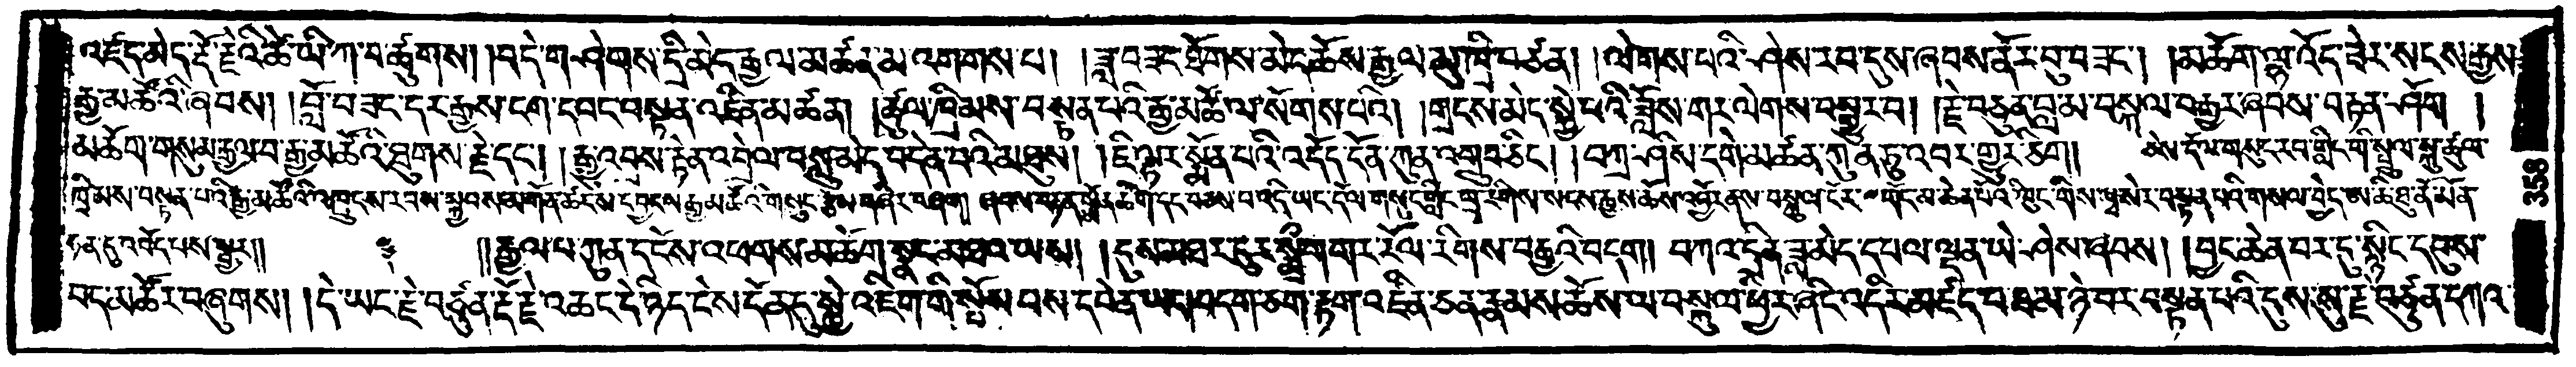འཛད་མེད་རྡོ་རྗེའི་ཚེ་ཡི་ཀ་བ་ཚུགས། །བདེ་གཤེགས་དྲི་མེད་རྒྱལ་མཚན་མ་འགགས་པ། །ཟླ་བཟང་ཐོགས་མེད་ཆོས་རྒྱལ་མུ་ཁྲི་བཙན། །ལེགས་པའི་ཤེས་རབ་དུས་ཞབས་ནོར་བུ་བཟང་། །མཆོག་ལྷ་འོད་ཟེར་སངས་རྒྱས་
རྒྱ་མཚོའི་ཞབས། །བློ་བཟང་དར་རྒྱས་ངག་དབང་བསྟན་འཛིན་མཚན། །ཚུལ་ཁྲིམས་བསྟན་པའི་རྒྱ་མཚོ་ལ་སོགས་པའི། །གྲངས་མེད་སྐྱེ་པའི་ཟློས་གར་ལེགས་བསྒྱུར་བ། །རྗེ་བཙུན་བླ་མ་བསྐལ་བརྒྱར་ཞབས་བརྟན་ཤོག །
མཆོག་གསུམ་རྒྱལ་བ་རྒྱ་མཚོའི་ཐུགས་རྗེ་དང་། །རྒྱུ་འབྲས་རྟེན་འབྲེལ་བསླུ་མེད་བདེན་པའི་མཐུས། །ཇི་ལྟར་སྨོན་པའི་འདོད་དོན་ཀུན་འགྲུབ་ཅིང་། །བཀྲ་ཤིས་དགེ་མཚན་ཀུན་ཏུ་འབར་གྱུར་ཅིག །ཅེས་དོལ་གསུང་རབ་གླིང་གི་སྤྲུལ་སྐུ་ཚུལ་
ཁྲིམས་བསྟན་པའི་རྒྱ་མཚོའི་འཁྲུངས་རབས་སྐྱབས་མགོན་ཚངས་དབྱངས་རྒྱ་མཚོའི་གསུང་རྩོམ་གཞིར་བཞག །ཞབས་བརྟན་སྨོན་ཚིག་དང་བཅས་པ་འདི་ཡང་དོལ་གསུང་གླིང་གྲྭ་རིགས་སངས་རྒྱས་ཆོས་འབྱོར་ནས་བསྐུལ་ངོར ༧་གོང་མ་ཆེན་པོའི་ལུང་གིས་ཞྭ་སེར་བསྟན་པའི་གསལ་བྱེད་ཨ་ཆི་ཐུ་ནོ་མོན་
ཧན་དུ་འབོད་པས་སྦྱར།། ༈ །།རྒྱལ་བ་ཀུན་དངོས་འཕགས་མཆོག་སྣང་མཐའ་ཡས། །དུས་མཐར་ངུར་སྨྲིག་གར་རོལ་རིགས་བརྒྱའི་བདག །བཀའ་དྲིན་ཟླ་མེད་དཔལ་ལྡན་ཡེ་ཤེས་ཞབས། །བྱང་ཆེན་བར་དུ་སྙིང་དབུས་
བད་མཚོར་བཞུགས། །དེ་ཡང་རྗེ་བཙུན་རྡོ་རྗེ་འཆང་དེ་ཉིད་ངེས་དོན་དུ་སྐྱེ་འཇིག་གི་སྤོས་པས་དབེན་ཡང་། བདག་ཅག་རྟག་འཛིན་ཅན་རྣམས་ཆོས་ལ་བསྐུལ་ཕྱིར་ཞིང་འདིར་མཛད་པ་ཐ་མ་ཉེ་བར་བསྟན་པའི་དུས་སུ་རྗེ་བཙུན་དཀའ་